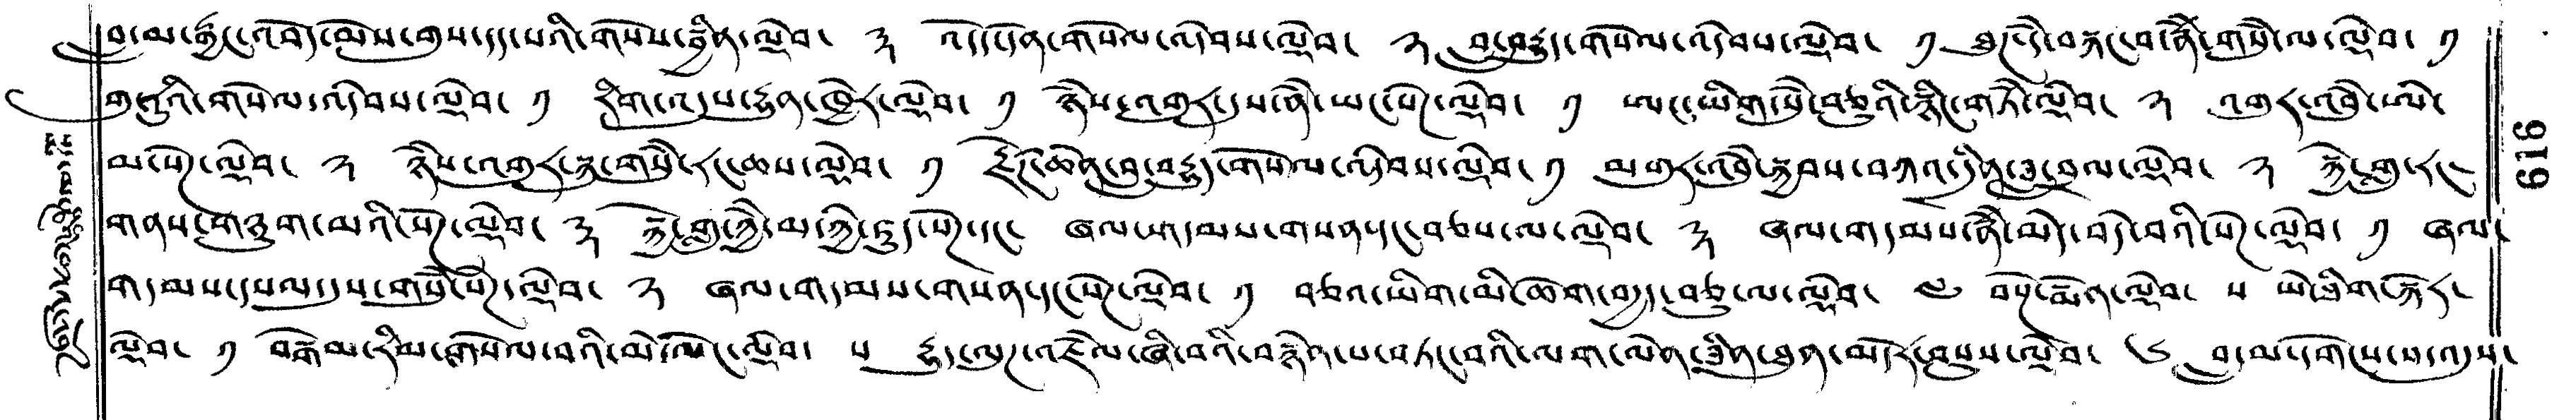བླ་མ་རྒྱང་འབོད་མོས་གུས་དད་པའི་གསོས་སྦྱིན་ལྡེབ། འདོད་དོན་གསོལ་འདེབས་ལྡེབ། བླ་བརྒྱུད་གསོལ་འདེབས་ལྡེབ། ཐུགས་དམ་བསྐང་བ་རྣམ་གསུམ་ལ་ལྡེབ། 
གུ་རུའི་གསོལ་འདེབས་ལྡེབ། རིག་འདུས་རྒྱུན་ཁྱེར་ལྡེབ། ཉམས་འགུར་དུས་ནམ་ཡང་སོགས་ལྡེབ། ཨང་ཡིག་སུམ་བཅུའི་སྙིང་གཏམ་ལྡེབ། མགུར་འབུམ་ཨེ་
མ་སོགས་ལྡེབ། ཉམས་མགུར་སྐུ་གསུམ་རང་ཆས་ལྡེབ། རྫོགས་ཆེན་བླ་བརྒྱུད་གསོལ་འདེབས་ལྡེབ། མགུར་འབུམ་སྐྱབས་བཀའ་དྲིན་ཟླ་བྲལ་ལྡེབ། སྐྱོ་གླུ་རང་
གནས་གཉུག་མའི་སོགས་ལྡེབ། སྐྱོ་གླུ་ཀྱཻ་མ་ཀྱེ་ཧུད་སོགས་དང་ཞལ་གདམས་གསན་དང་བཅས་ལ་ལྡེབ། ཞལ་གདམས་རྣམ་མེད་བདེ་བའི་སོགས་ལྡེབ། ཞལ་
གདམས་དཔལ་དུས་གསུམ་སོགས་ལྡེབ། ཞལ་གདམས་གསན་དང་སོགས་ལྡེབ། བཅའ་ཡིག་མི་ཆོག་བརྒྱད་བཅུ་ལ་ལྡེབ། བསྔོ་སྨོན་ལྡེབ། ཡེ་ཐིག་སྐོར་
ལྡེབ། སྒོམ་རིམ་གསོལ་བའི་མེ་ལོང་ལྡེབ། རྒྱུད་ལུགས་འཇམ་དཔལ་ཞི་བའི་བསྙེན་པ་གཏོང་བའི་ལག་ལེན་ཟིན་ཐུན་མདོར་བསྡུས་ལྡེབ།བླ་མ་དགོངས་པ་འདུས་